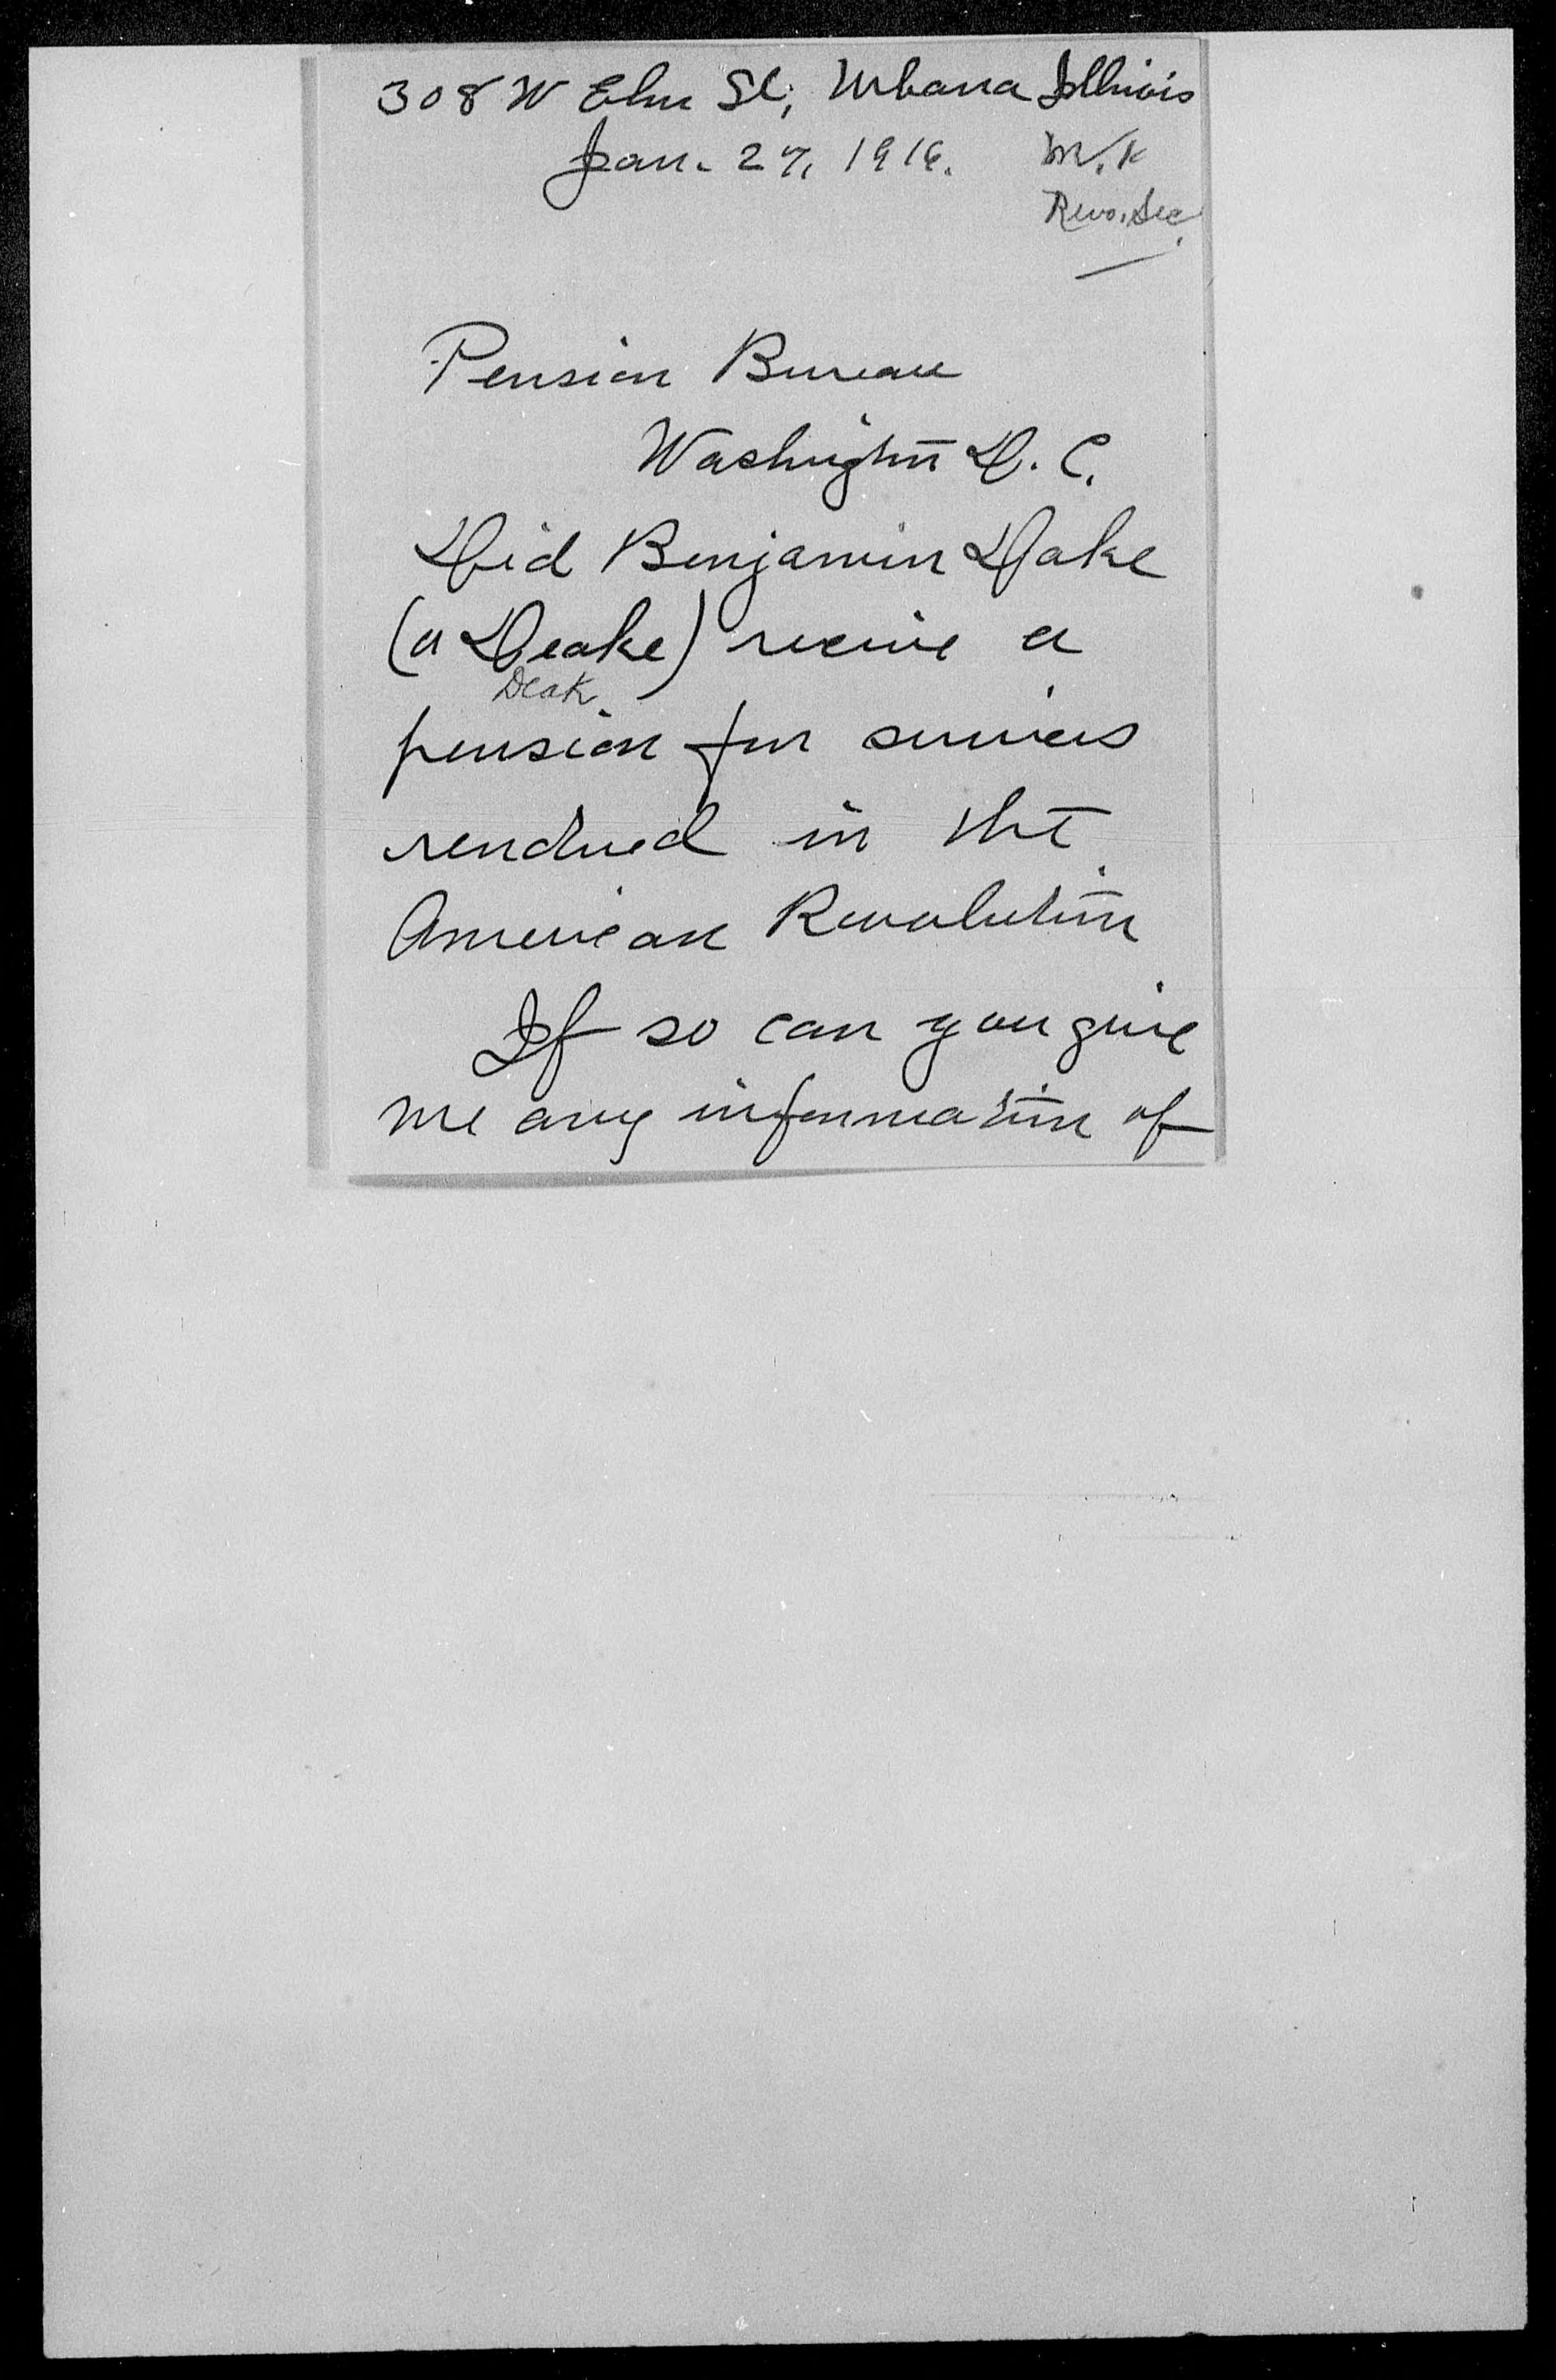308 W. Elm St. Urbana Illinois
Jan27, 1916

Pension Bureau
Washington D.C.

Did Benjamin Dake (or Deake) receive a pension for services rendered in the American Revolution
If so can you give me any information of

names: Benjamin Dake, Benjamin Deake, Benjamin Deak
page: 38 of 42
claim: rejected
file: R. 2,625, Benjamin Dake, R.I.